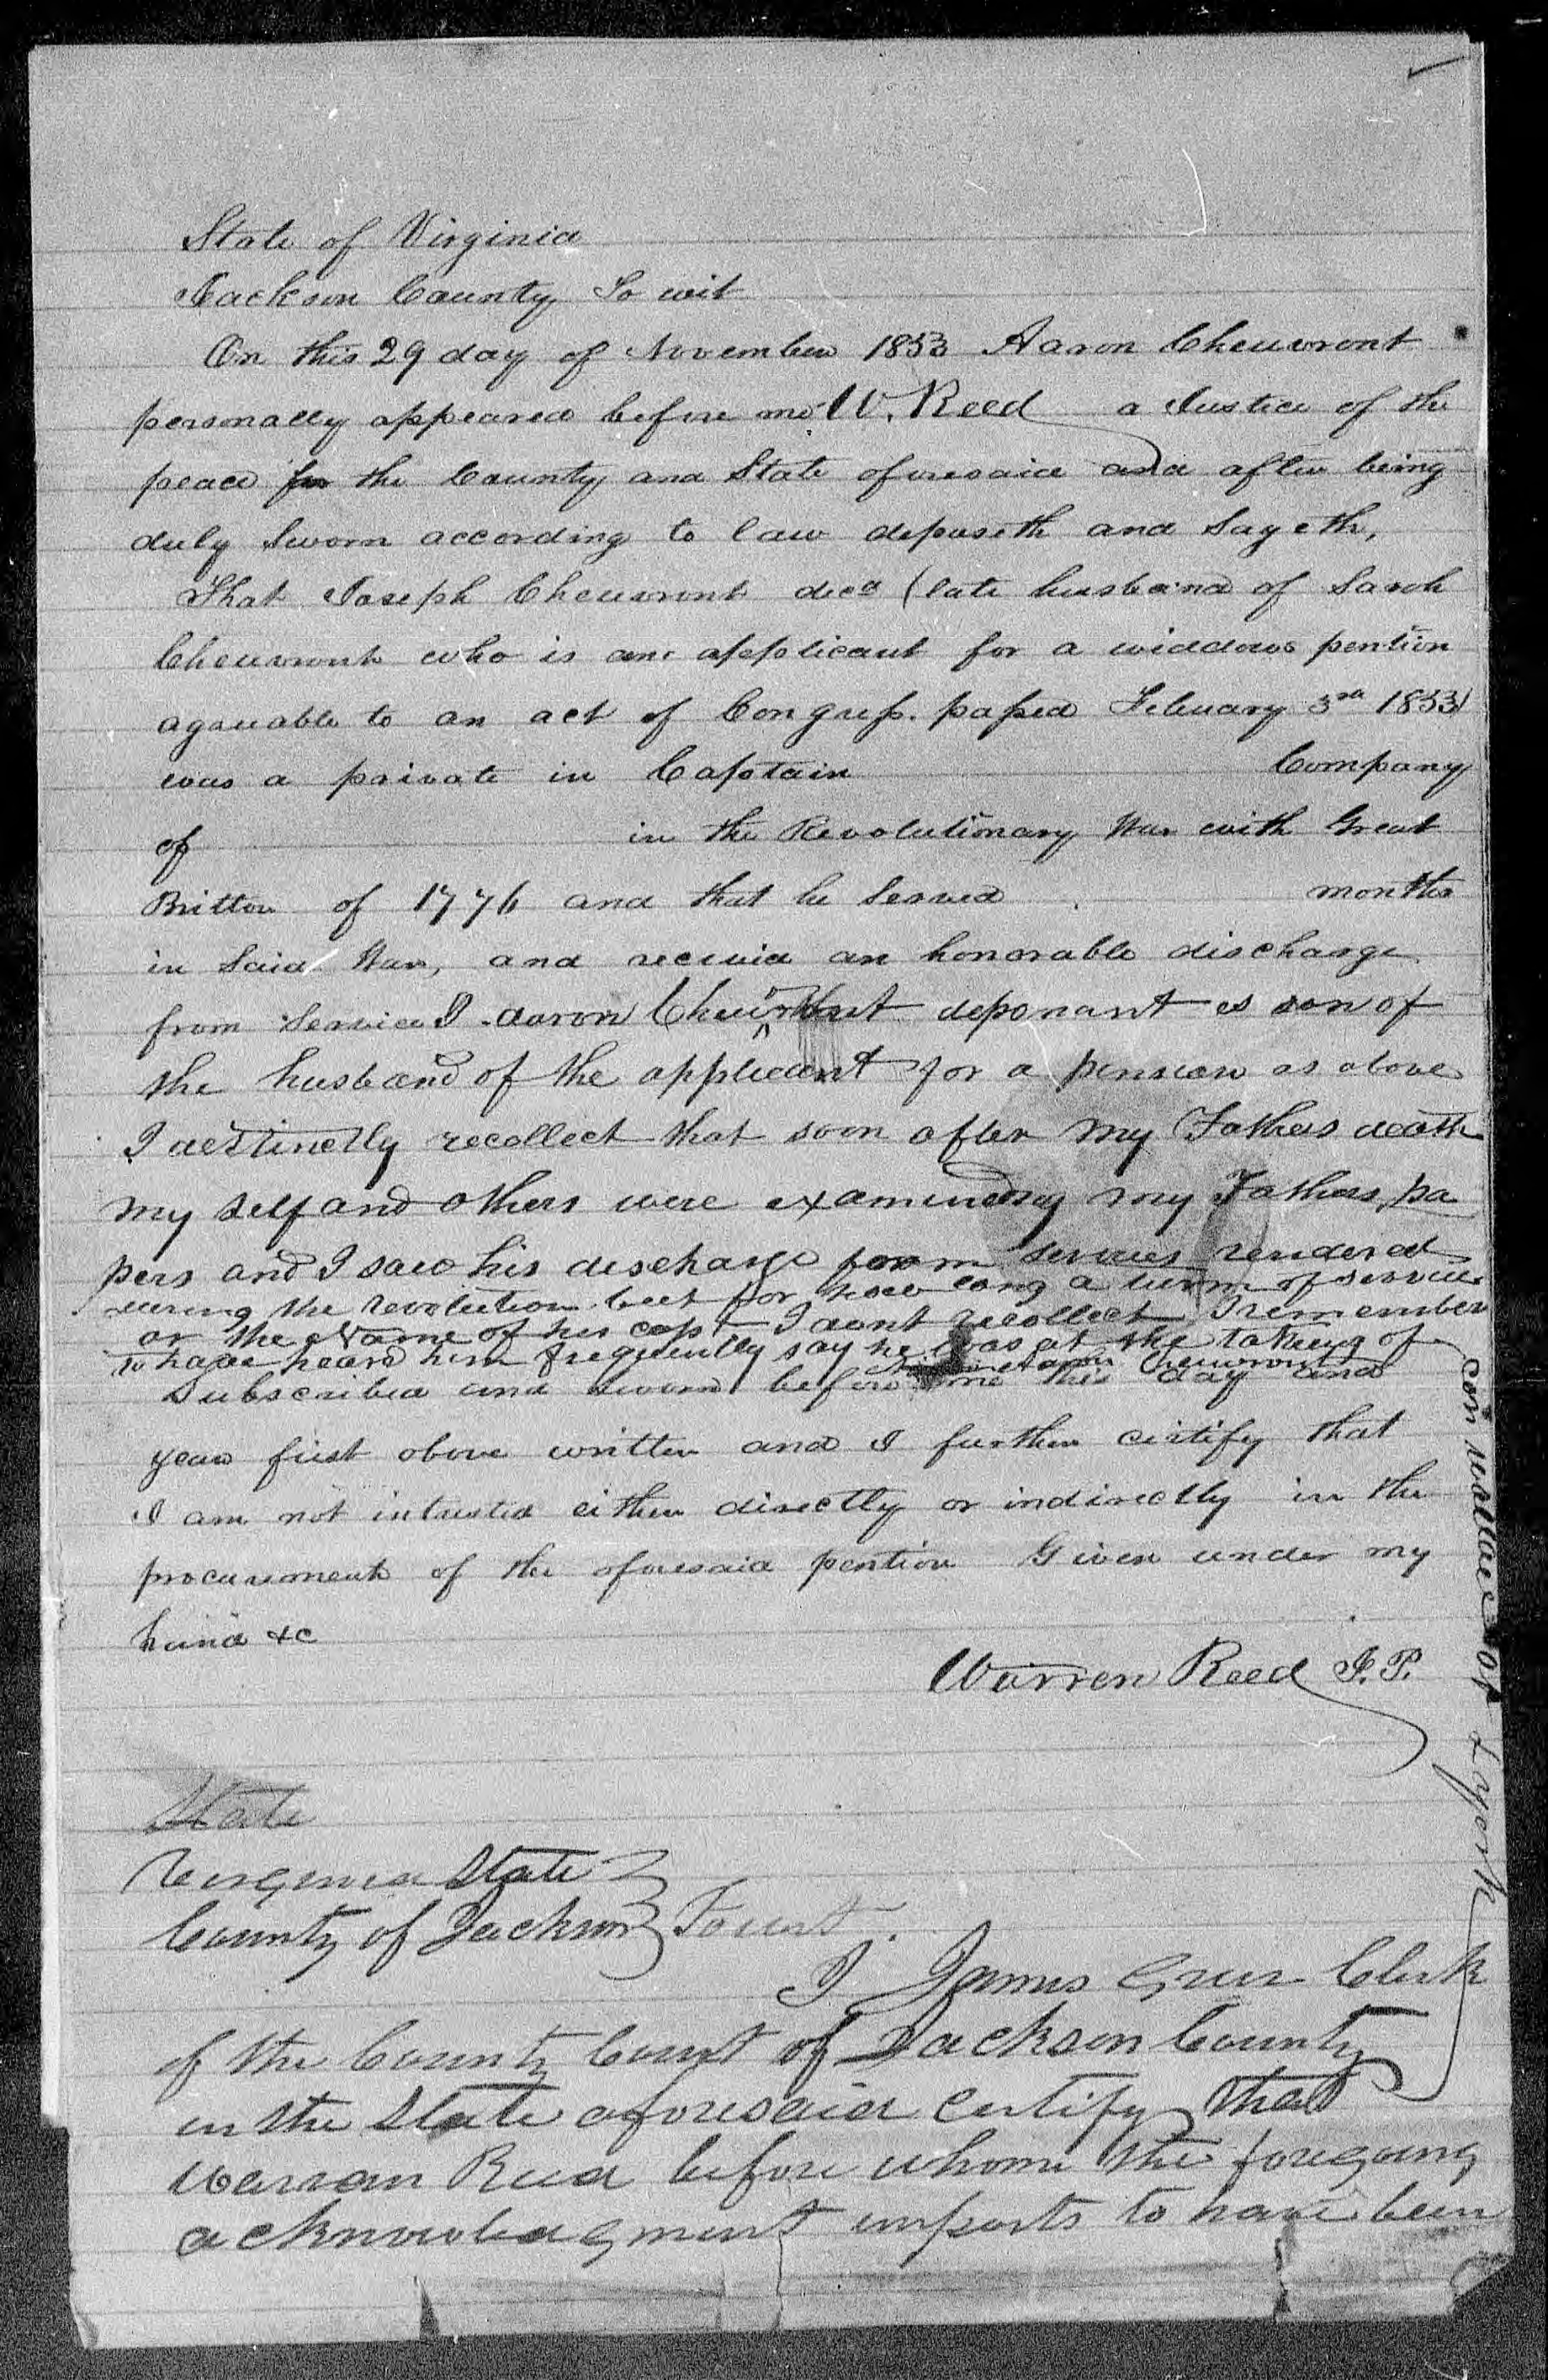State of Virginia
Jackson County To wit
On this 29 day of November 1853 Aaron Cheuvront
personally appeared before me W. Reed a Justice of the
peace for the County and State aforesaid and after being
duly sworn according to law deposeth and sayeth,
That Joseph Cheuvront decd (late husband of Sarah
Cheuvront who is an applicant for a widdows pention
agauable to an act of Congress passed February 3rd 1853
was a private in Captain [blank space] Company
of [blank space] in the Revolutionary War with Great
Britton of 1776 and that he served [blank space]months
in said War, and received an honorable discharge
from service I Aaron Cheuvront deponant is son of 
the husband of the applicant for a pension as above
I distinctly recollect that soon after my Fathers death 
my self and others were examining my Fathers a
pers and I saw his discharge form services rendered
during the revolution but for how long a term of service
or the Name of his capt I dont [don't] recollect I remember
to have heard him frequently say he was at the taking of 
[the sentence continues along the right edge of the paper]
cornwallace at Layeth

Subscribed and sworn before me this day and
year first above written and I further certify that
I am not interested either directly or indirectly in the
procurement of the aforesaid pention Given under my
hand &c
Warren Reed J.P.
State [appears to be erased]
Virginia State
County of Jackson Court
I James Greer Clerk
of the County Court of Jackson County
in the State aforesaid certify that
Warren Reed before whom the foregoing
acknowledgment imports to have been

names: Joseph Cheuvront, Warren Reed, Aaron Cheuvront, James Green, Sarah Cheuvront, Warran Reed, Aaron Cheuvront, Aaron Cheuvront, W Reed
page: 5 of 21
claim: rejected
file: R. 1,907, Joseph Cheuvront, Va.